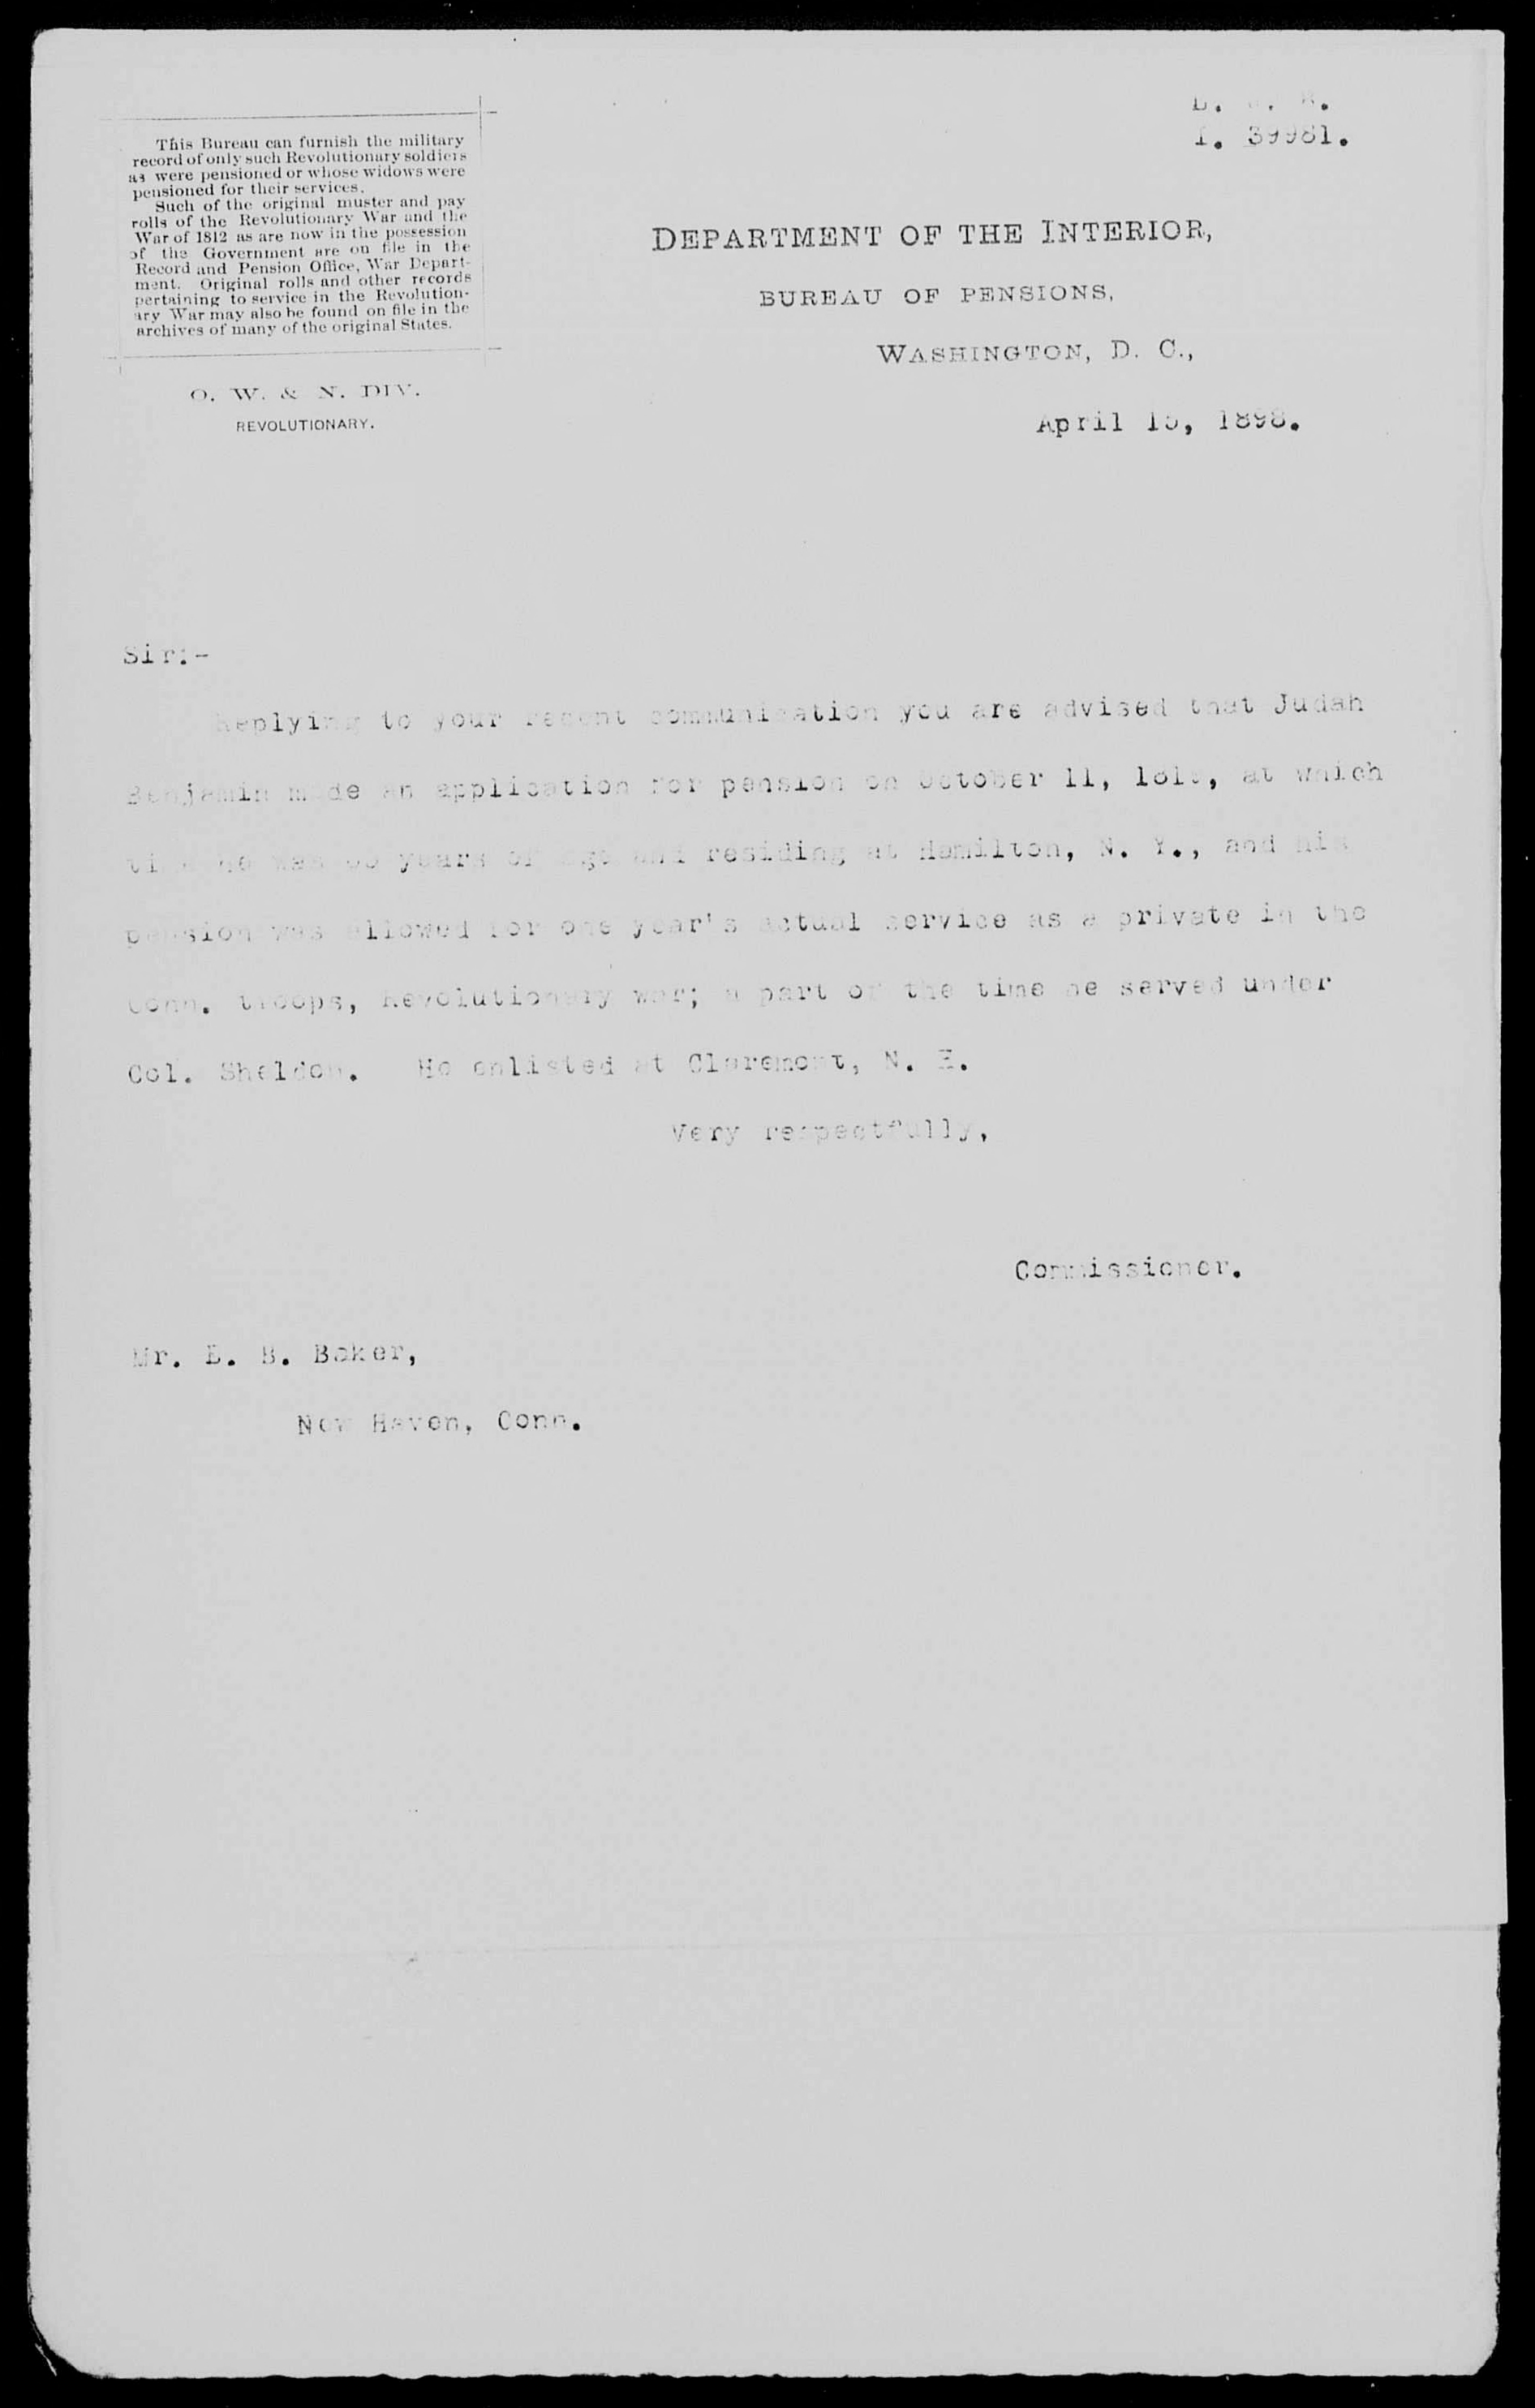This Bureau can furnish the military record of only such Revolutionary soldiers as were pensioned or whose widows were pensioned for their services. Such of the original muster and pay rolls of the Revolutionary War and the War of 1812 as are now in the possession of the Government are on file in the Record and Pension Office, War Department. Original rolls and other records pertaining to service in the Revolutionary War may also be found on file in the archives of many of the original States.
O. W. & N. DIV.
REVOLUTIONARY.
L.[?][?]
I 39981.

DEPARTMENT OF THE INTERIOR,
BUREAU OF PENSIONS.
WASHINGTON, D. C.,
April 15 1898.
Sir: -- Replying to your recent communication you are advised that Judah Benjamin made application for pension to October 11, 1818, at which time he was [?] years of age and residing at Hamilton, N. Y., and his pension was allowed for one year's actual service as a private in the Conn. troops, Revolutionary War;  in part of the time he served under Col. Sheldon.  He enlisted at Claremont, N. H.
Very respectfully,
Commissioner.

Mr. E. B. Baker,
New Haven, Conn.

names: E B Baker, Sheldon, Judah Benjamin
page: 21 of 34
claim: survivor's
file: S. 39981, Judah Benjamin, Continental (N. H. And N. Y.)